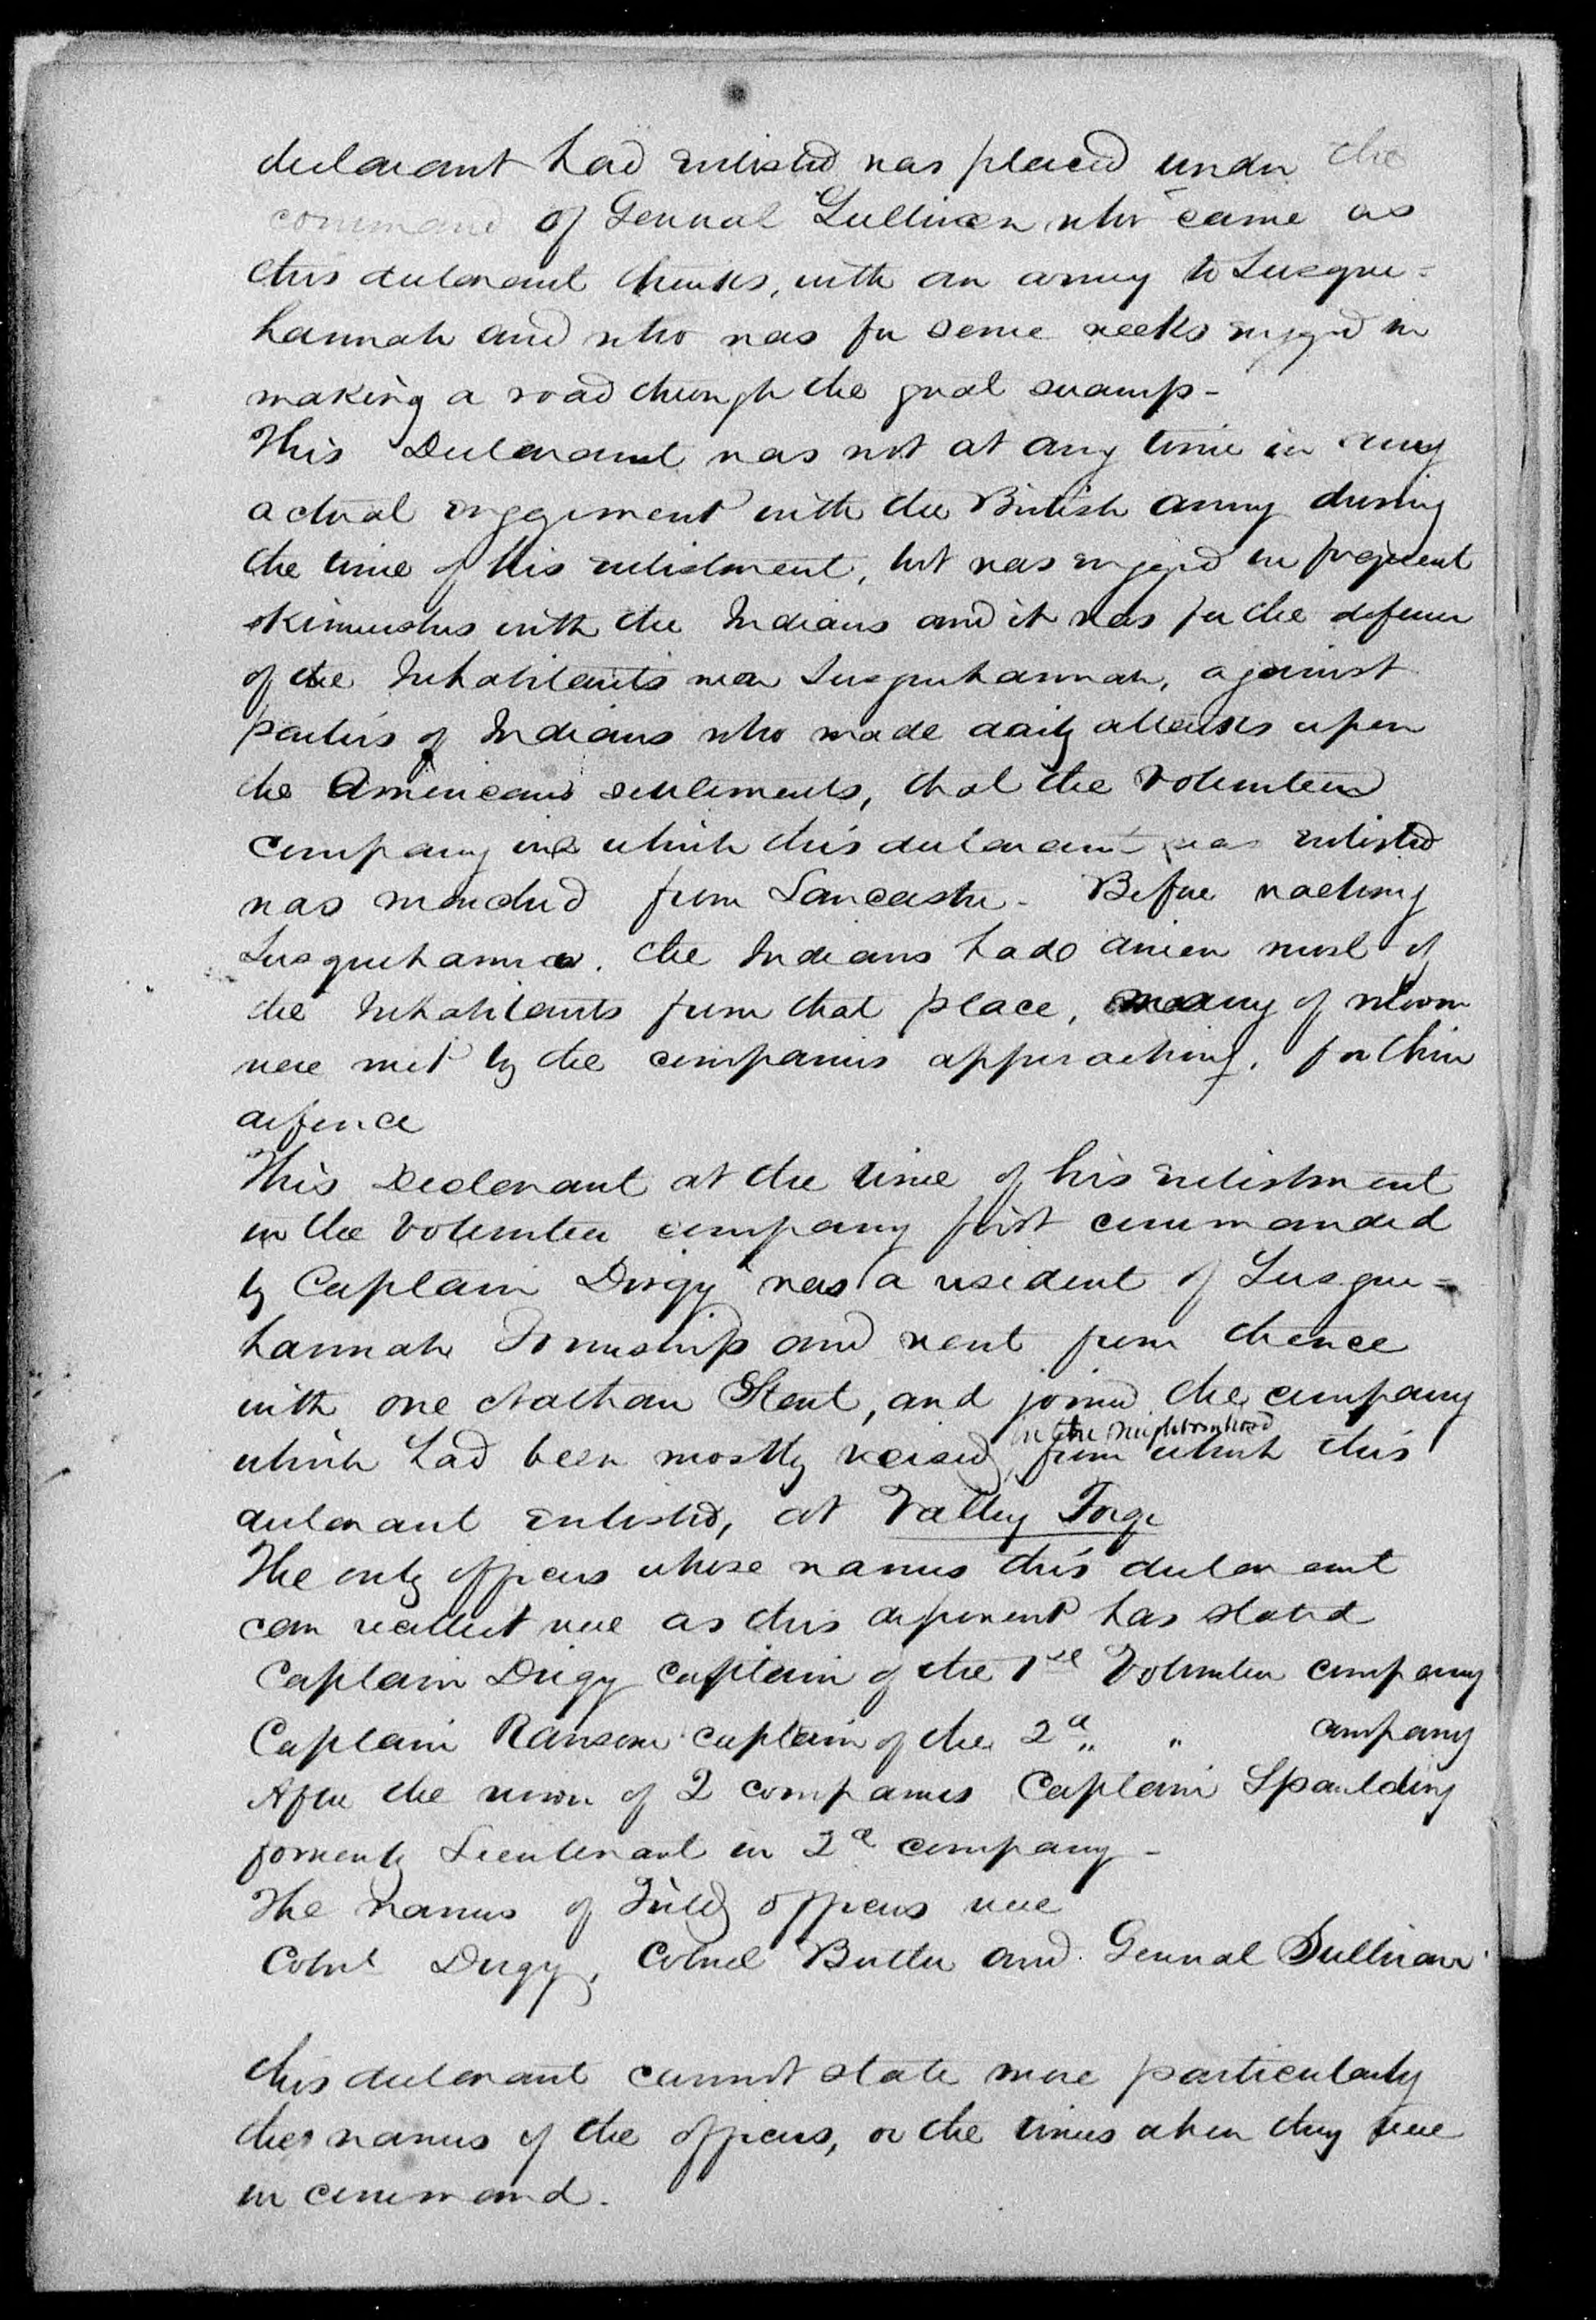declarant had enlisted was placed under the command of General Sullivan who came as this declarant thinks with an army to Susquehanna and who was for some weeks engaged in making a road through the great swamp-
This Lieutenant was not at any time in any actual engagement with the British army during the time of his enlistment, but was engaged in frequent skirmishes with the Indians and it was for the defense of the inhabitants near the Susquehanna, against parties of Indians who made daily attacks upon the American settlements, that the volunteer Company into which this declarant was enlisted was marched from Lancaster. Before making Susquehanna the Indians had driven most of the inhabitants from that place, many of whom were met by the companies approaching for their defense. 
This Declarant at the time of his enlistment in the volunteer company first commanded by Captain Dirgy was a resident of Susquehanna Township and went from thence with one Nathan Stout, and joined the company which had been mostly raised in the neighborhood from which this declaring enlisted, at Valley Forge
The officers whose names this declaring can recall were as this deponent has stated Captain Dirgy Captain of the 1st Volunteer company, Captain Ransom Captain of the 2nd Volunteer company. After the names of 2 companies Captain Spaulding formerly Lieutenant in the 2nd company-
The names of Field Officers were
Coln'l Dirgy, Colonel Butler and General Sullivan.
This declarent cannot state more particularly the names of the officers, or the times when they were in command.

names: Spaulding, Sullivan, Nathan Start, Sullivan, Ransom, Dirgy, Dirgy, Dirgy, Butler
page: 7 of 57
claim: widow's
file: W. 5275 1/2, Michael Foster, Penn.